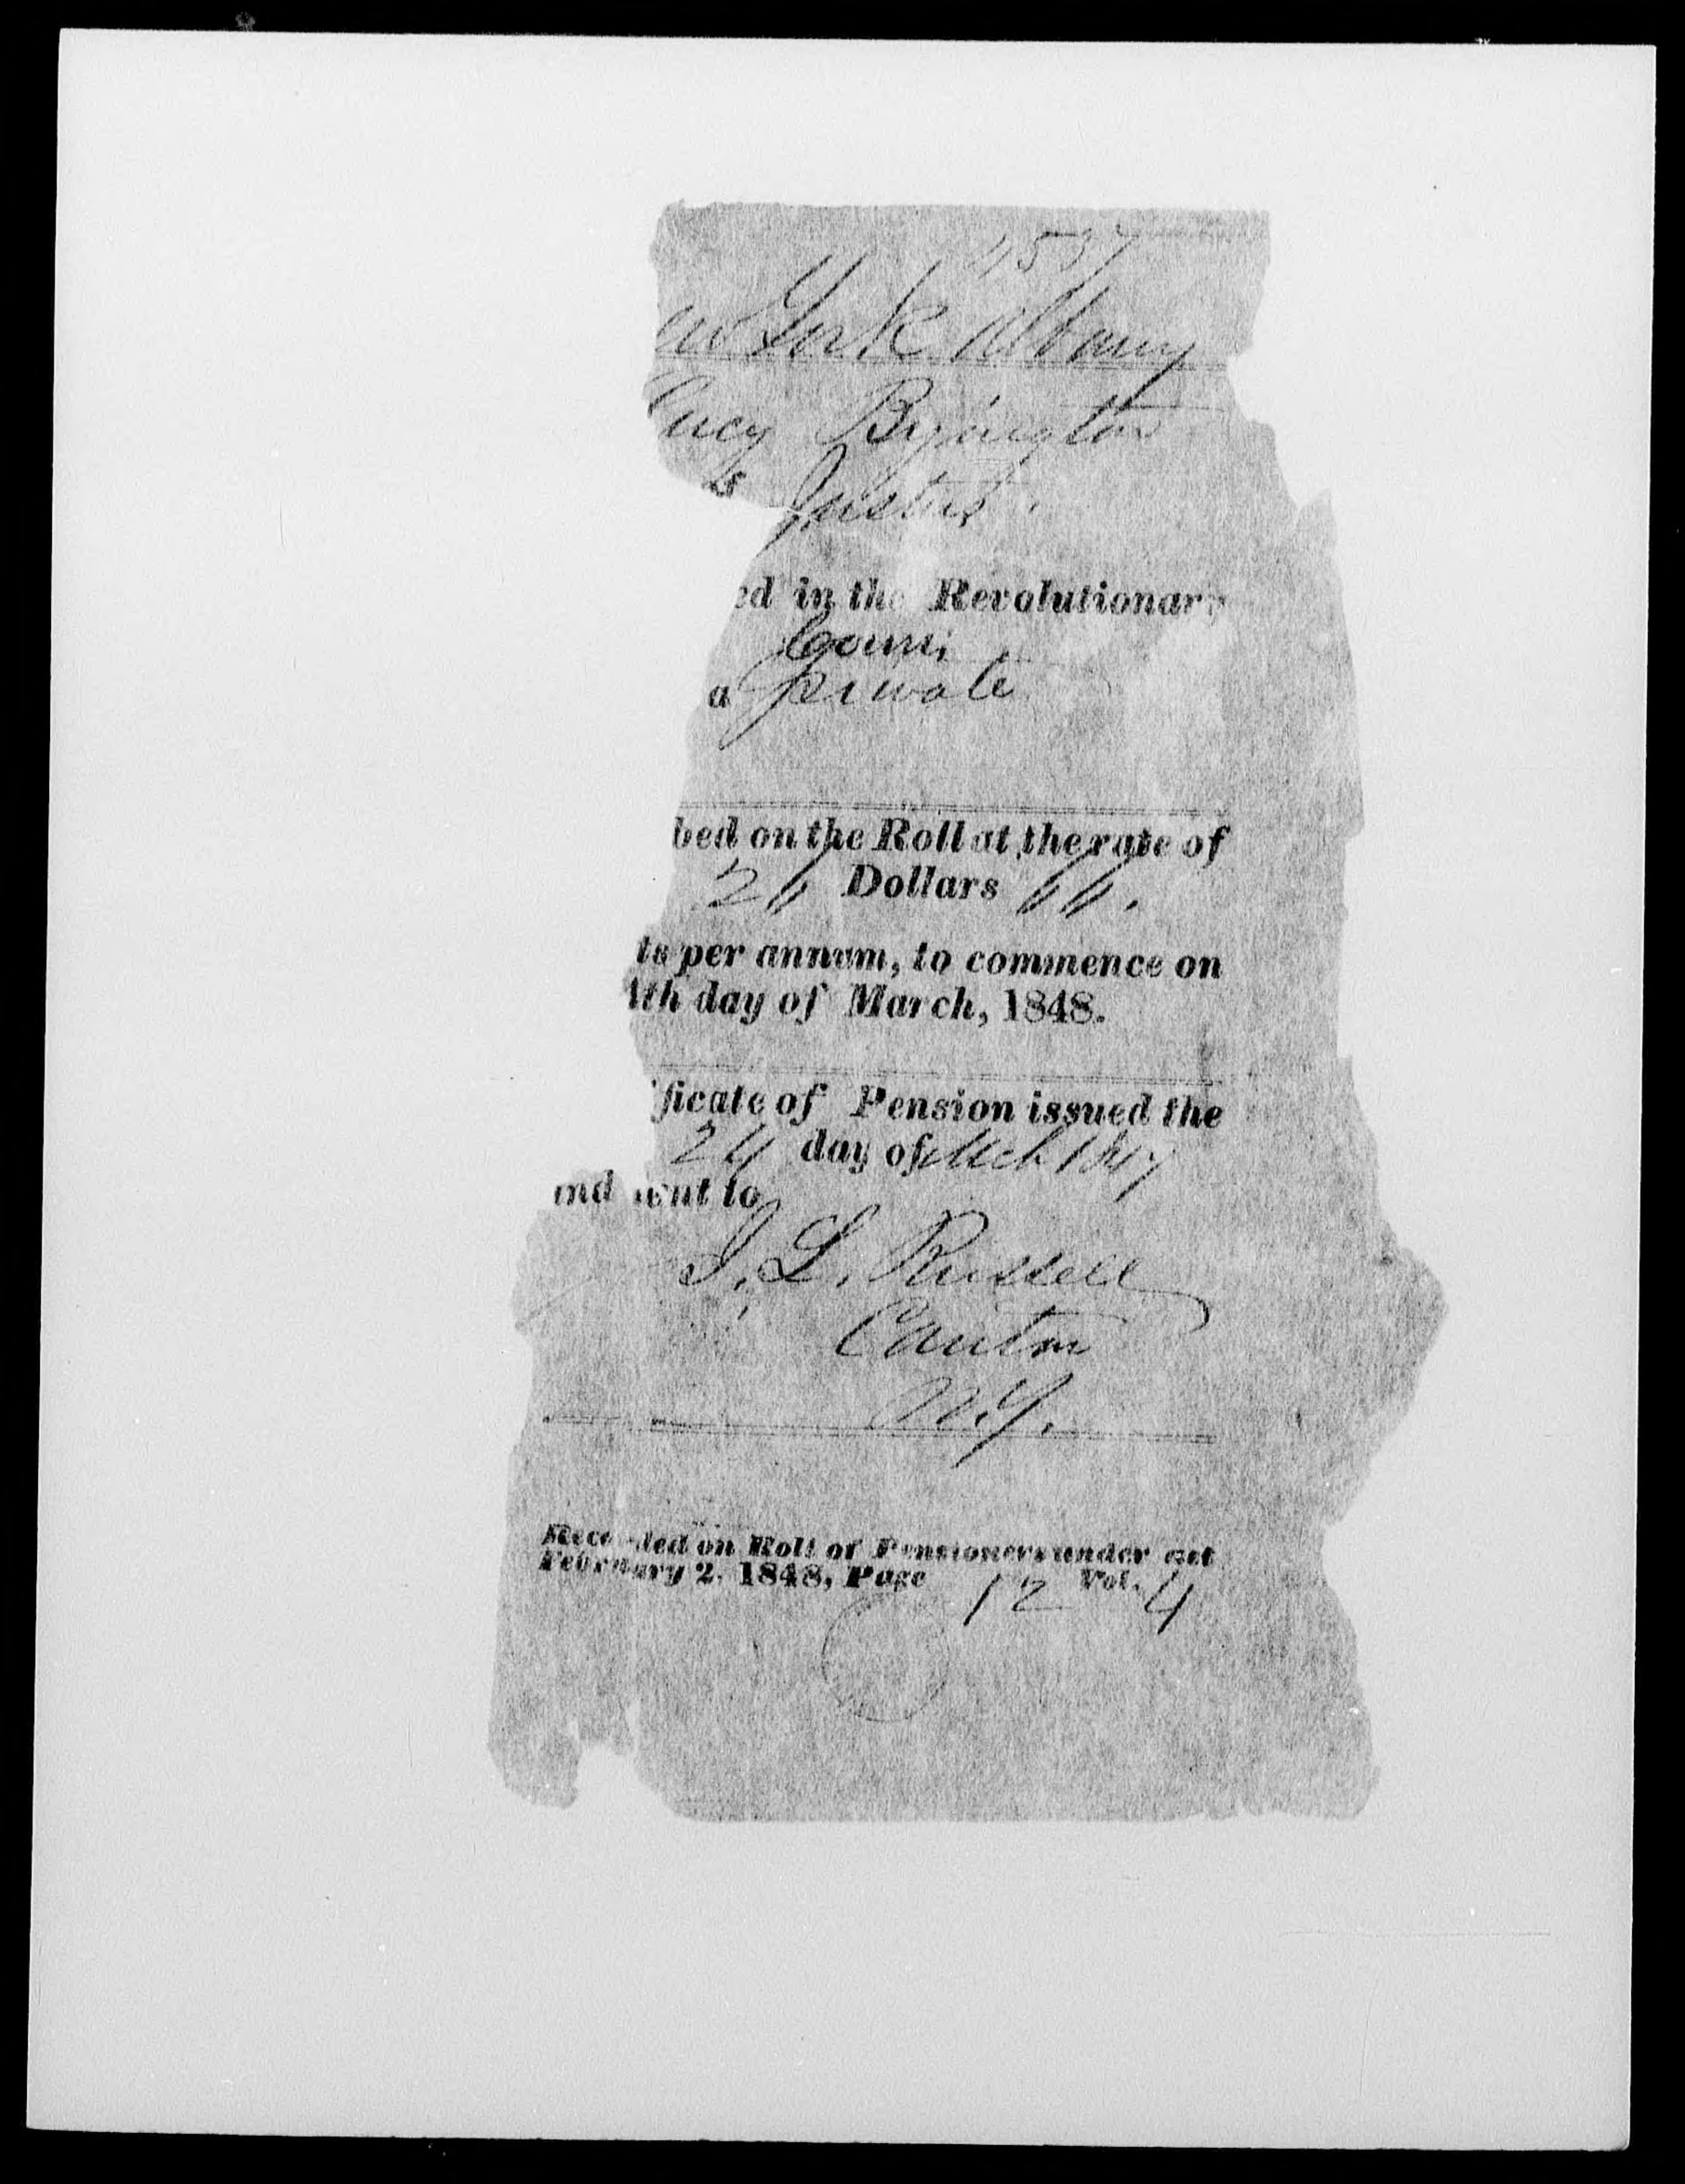1537
New York Albany
Lucy Byington
Justus
....ed in the Revolutionary Conn
a private

[inscri]bed on the Roll at the rate of 26 Dollars 66 [cen]ts per annum, to commence on 4th day of March 1848

[certi]ficate of Pension issued the 24 day of Mch 1819 and sent to J. L. Russell
Canton N.Y.

Recorded on Roll of Pensioners under act February 2, 1848, Page 12 Vol. 4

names: Lucy Byington, J L Russell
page: 2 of 79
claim: widow's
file: W. 23754, Justus Byington, Conn.